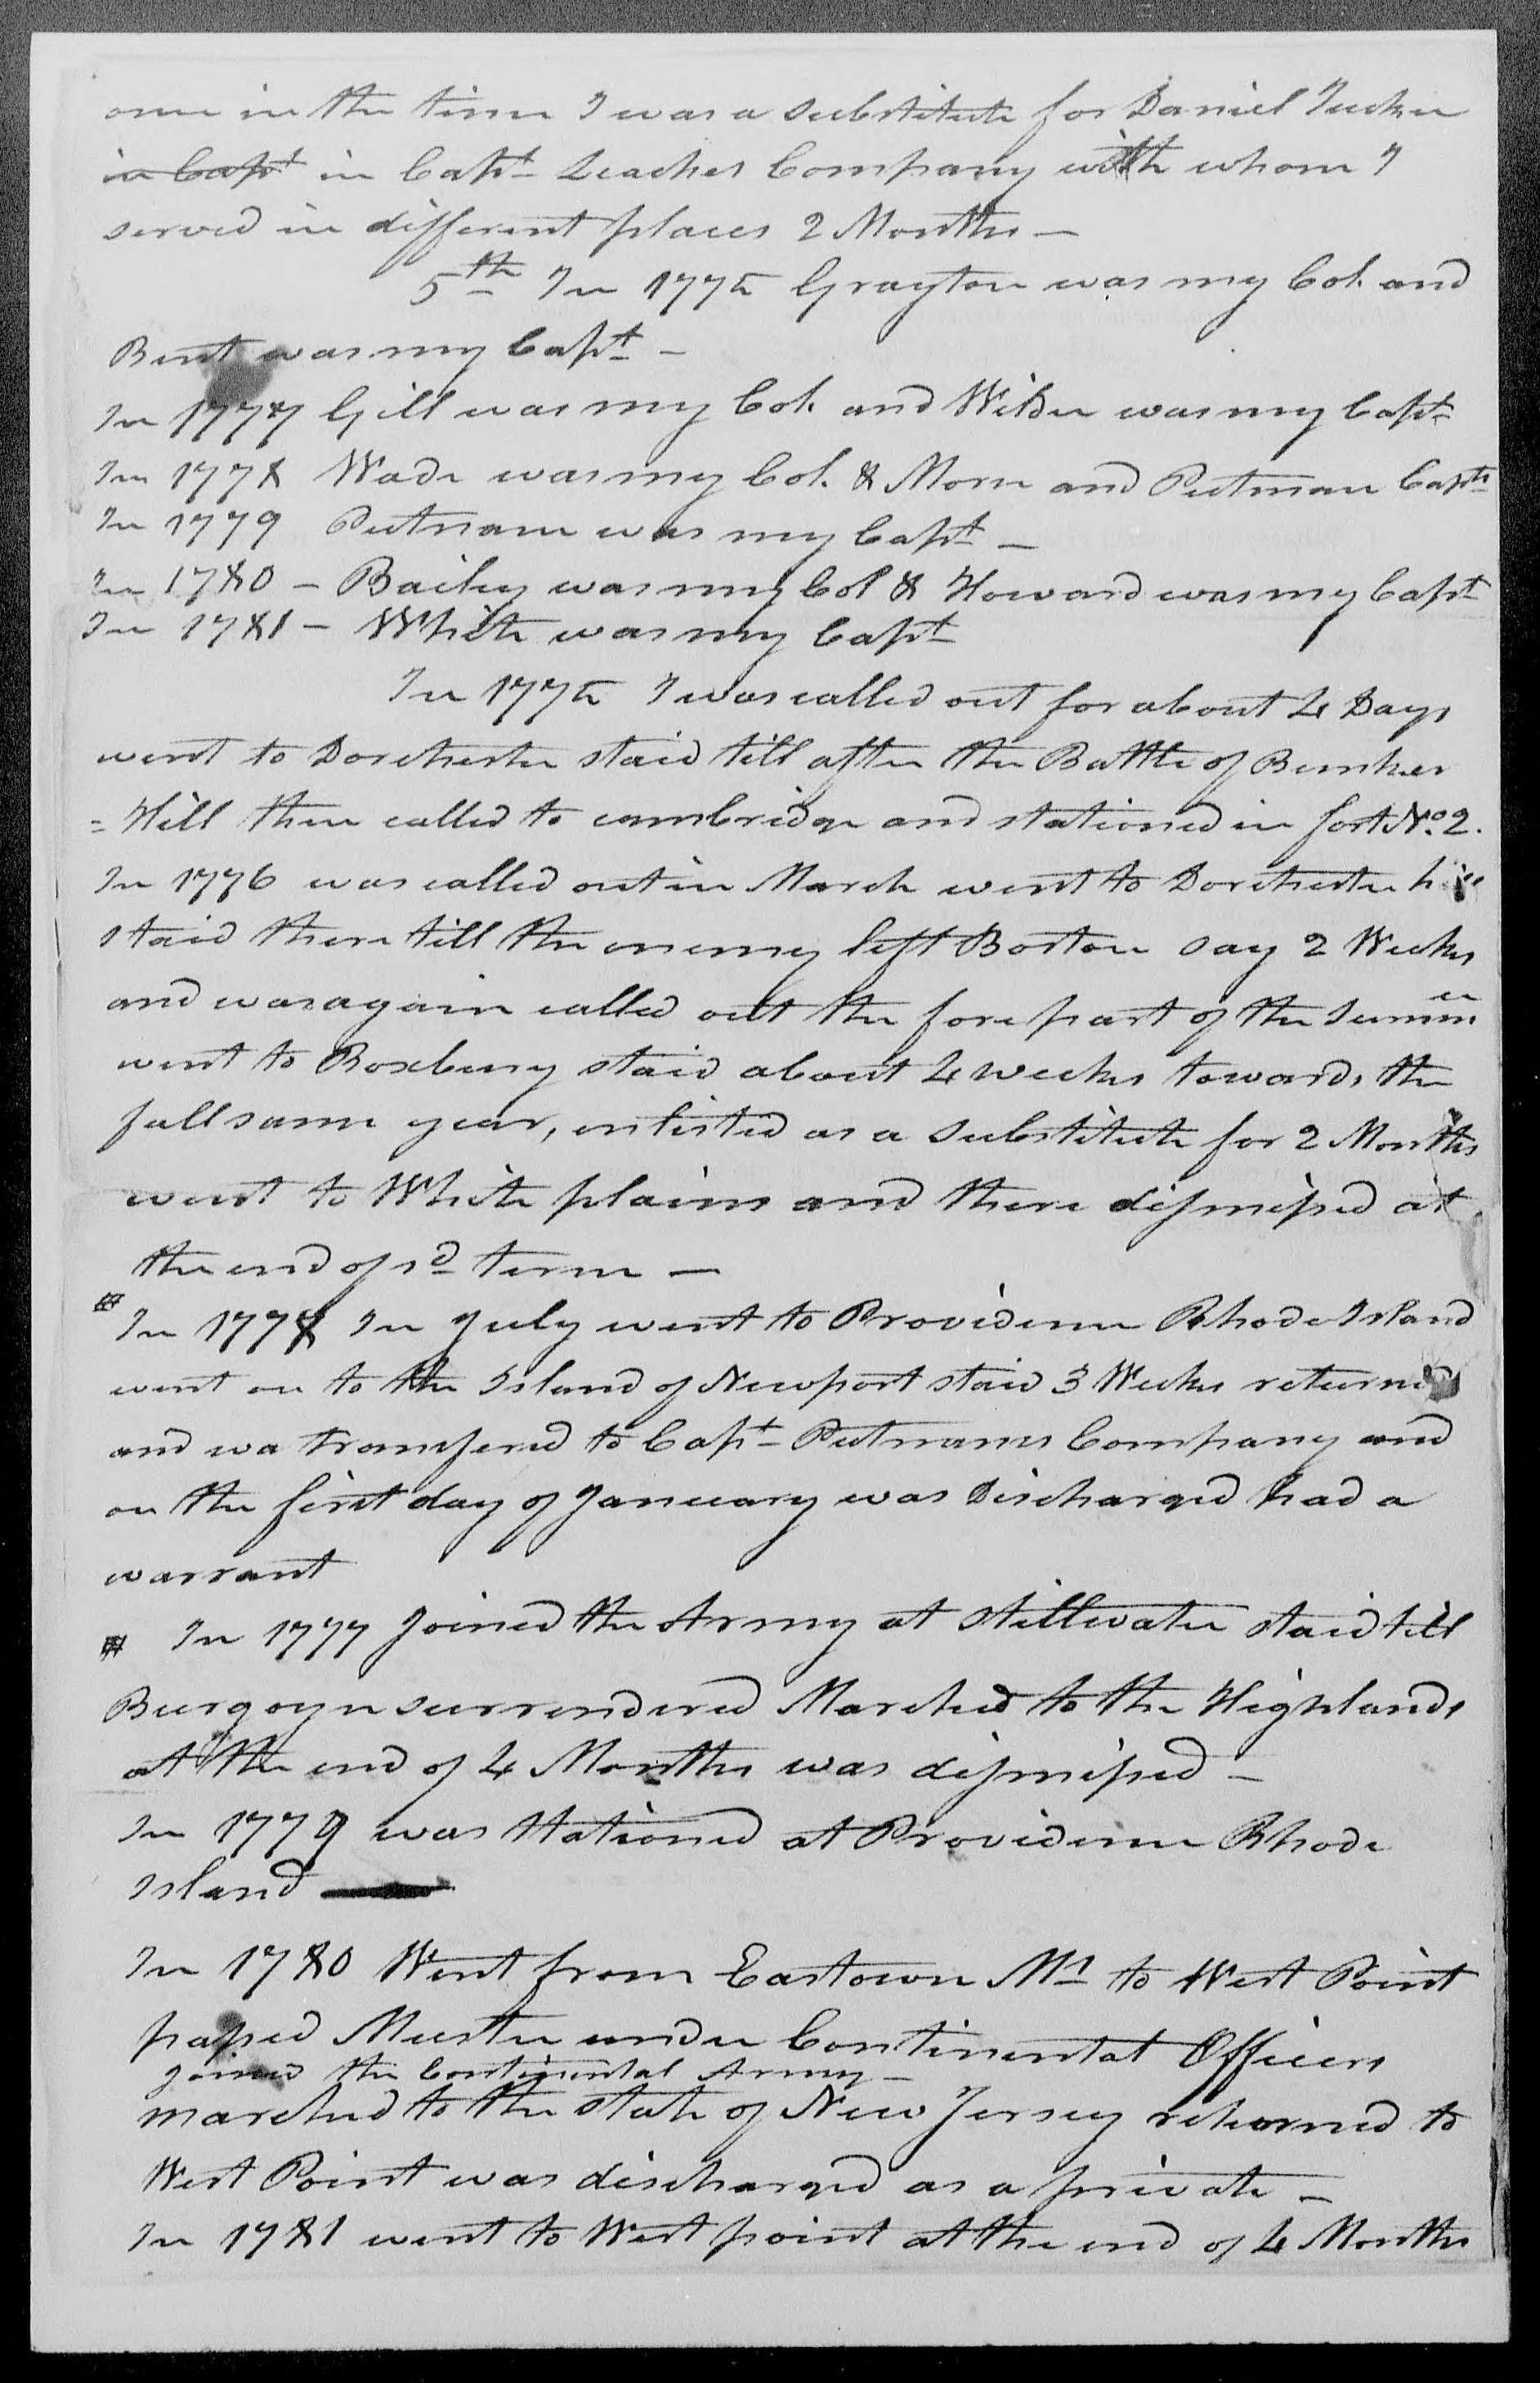once in the time I was a substitute for Daniel Tucker in Capt. Leaches Company with whom I served in different places 2 Months.
5th In 1775 Grayton was my Col. and Bent was my Capt. 
Jan 1777 Gill was my Col. and Wilden was my Capt. 
Jan 1778 Wade was my Col. & Morn and Putman Capt.
Jan 1779 Putnam was my Capt. 
Jan 1780. Backy was my Col & Howard was my Capt. 
Jan 1781. [illegible] was my Capt. 
In 1775 I was called out for about 4 Days went to Dorchester staid till after the Battle of Bunker Hill then called to cambridge and stationed in fort No. 2. In 1776 was called out in March went to Dorchester hill staid there till the enemy left Boston say 2 Weeks and was again called out the forepart of the summer went to Roxbury staid about 4 weeks toward, the full same year, enlisted as a substitute for 2 Months went to White Plains and there dismissed at the end of [illegible] term. 
In 1778 In July went to Providence Rhode Island went on to the Island of Newport staid 3 Weeks returned and was transferred to Capt. Putnams Company and on the first day of January was discharged had a warrant
In 1777 joined the Army at Stillwater staid till Burgoyn surrendered Marched to the Highlands 
At the end of 4 Months was dismissed. In 1779 was stationed at Providence Rhode Island. 
In 1780 Went from Eastown Ms. to West Point passed Muster under Continental Officers gained the Continental Army. marched to the state of new Jersey returned to West Point was discharged as a private. 
In 1781 went to West Point at the end of 4 Months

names: Howard, Putman, Morse, Bailey, Daniel Tucker, Wade, Bent, White, Gill, Wilder, Putnam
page: 8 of 21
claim: survivor's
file: S. 15356, Abijah Allen, Mass.